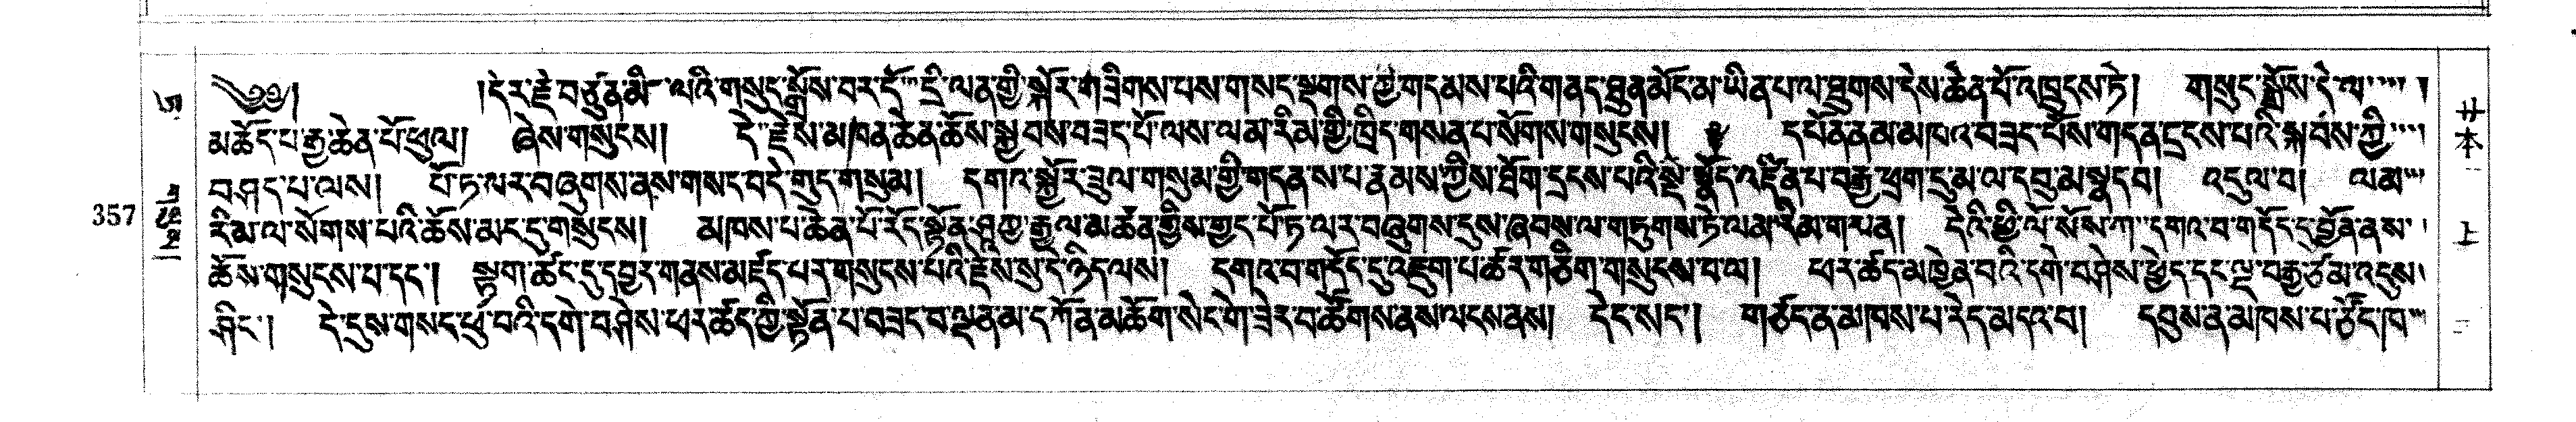༄༅། །དེར་རྗེ་བཙུན་མི་ལའི་གསུང་སྒྲོགས་བར་དོ་དྲི་ལན་གྱི་སྐོར་གཟིགས་པས་གསང་སྔགས་ཀྱི་གདམས་པའི་གནད་ཐུན་མོང་མ་ཡིན་པ་ལ་ཐུགས་དེས་ཆེན་པོ་འཁྲུངས་ཏེ། གསུང་སྒྲོས་དེ་ལ་
མཆོད་པ་རྒྱ་ཆེན་པོ་ཕུལ། །ཞེས་གསུངས། དེ་རྗེས་མཁན་ཆེན་ཆོས་སྐྱབས་བཟང་པོ་ལས་ལམ་རིམ་གྱི་ཁྲིད་གསན་པ་སོགས་གསུངས། ༈ དཔོན་ནམ་མཁའ་བཟང་པོས་གདན་དྲངས་པའི་སྐབས་ཀྱི་
བཤད་པ་ལས། པོ་ཏ་ལར་བཞུགས་ནས་གསང་བདེ་གུད་གསུམ། དགའ་སྐྱོར་ཟུལ་གསུམ་གྱི་གདན་ས་པ་རྣམས་ཀྱིས་ཐོག་དྲངས་པའི་སྡེ་སྣོད་འཛིན་པ་བརྒྱ་ཕྲག་དུ་མ་ལ་དབུ་མ་སྣད་བ། འདུལ་བ། ལམ་
རིམ་ལ་སོགས་པའི་ཆོས་མང་དུ་གསུངས། མཁས་པ་ཆེན་པོ་རོད་སྟོན་ཤཱཀྱ་རྒྱལ་མཚན་གྱིས་གྱང་པོ་ཏ་ལར་བཞུགས་དུས་ཞབས་ལ་གཏུགས་ཏེ་ལམ་རིམ་གསན། དེའི་ཕྱི་ལོ་སོས་ཀ་དགའ་བ་གདོད་དུ་བྱོན་ནས་
ཆོས་གསུངས་པ་དང་། སྟག་ཚང་དུ་དབྱར་གནས་མཛད་པར་གསུངས་པའི་རྗེས་སུ་དེ་ཉིད་ལས། དགའ་བ་གདོད་དུ་འཇུག་པ་ཚར་གཅིག་གསུངས་པ་ལ། ཕར་ཚད་མཁྱེན་བའི་དགེ་བཤེས་ཕྱེད་དང་ལྔ་བརྒྱ་ཙམ་འདུས་
ཤིང་། དེ་དུས་གསང་ཕུ་བའི་དགེ་བཤེས་ཕར་ཚད་ཀྱི་སྟོན་པ་བཟང་བ་ལྡན་མ་དཀོན་མཆོག་སེང་གེ་ཟེར་བ་ཚོགས་ནས་ལངས་ནས། དེང་སང་། གཙང་ན་མཁས་པ་རེད་མདའ་བ། དབུས་ན་མཁས་པ་ཙོང་ཁ་